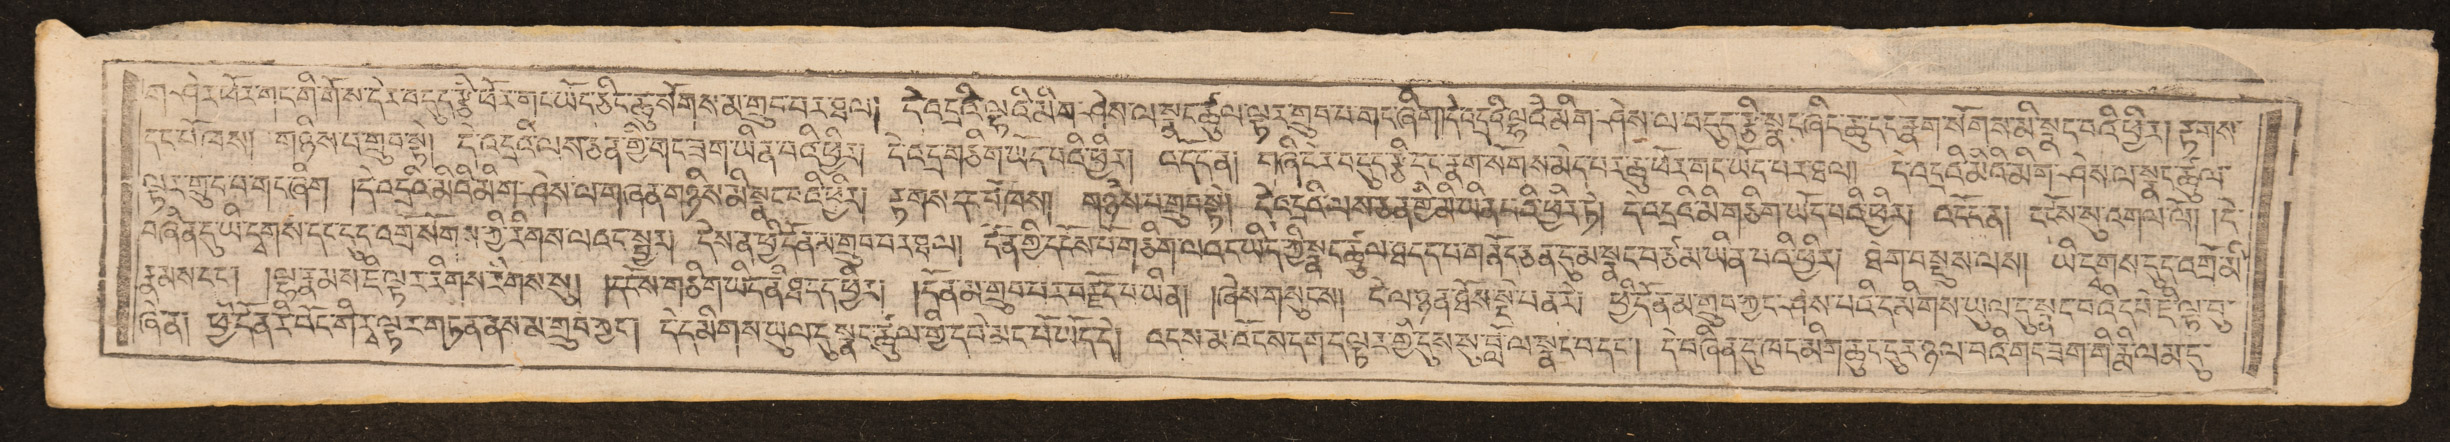གཤེར་ཕོར་གང་གི་གོ་ས་དེར་བདུད་རྩི་ཕོར་གང་ཡོད་ཅིང་ཆུ་སོགས་མ་གྲུབ་པར་ཐལ། དེ་འདྲའི་ལྷའི་མིག་ཤེས་ལ་སྣང་ཚུལ་ལྟར་གྲུབ་པ་གང་ཞིག། དེ་འདྲའི་ལྷའི་མིག་ཤེས་ལ་བདུད་རྩི་སྣང་ཞིང་ཆུ་དང་རྣག་སོགས་མི་སྣང་བའི་ཕྱིར། རྟགས་
དང་པོ་ཁས། གཉིས་པ་གྲུབ་སྟེ། དེ་འདྲའི་ལས་ཅན་གྱི་གང་ཟག་ཡིན་པའི་ཕྱིར། དེ་འདྲ་གཅིག་ཡོད་པའི་ཕྱིར། འདོད་ན། གཞི་དེར་བདུད་རྩི་དང་རྣག་སོགས་མེད་པར་ཆུ་ཕོར་གང་ཡོད་པར་ཐལ། དེ་འདྲའི་མིའི་མིག་ཤེས་ལ་སྣང་ཚུལ་
ལྟར་གྲུབ་པ་གང་ཞིག །དེ་འདྲའི་མིའི་མིག་ཤེས་ལ་གཞན་གཉིས་མི་སྣང་བའི་ཕྱིར། རྟགས་དང་པོ་ཁས། གཉིས་པ་གྲུབ་སྟེ། དེ་འདྲའི་ལས་ཅན་གྱི་མི་ཡིན་པའི་ཕྱིར་ཏེ། དེ་འདྲའི་མི་གཅིག་ཡོད་པའི་ཕྱིར། འདོད་ན། དངོས་སུ་འགལ་ལོ། །དེ་
བཞིན་དུ་ཡི་དྭགས་དང་དུད་འགྲོ་སོགས་ཀྱི་རིགས་ལའང་སྦྱར། དེས་ན་ཕྱི་དོན་མ་གྲུབ་བར་ཐལ། དོན་གྱི་དངོས་པོ་གཅིག་ལའང་ཡིད་ཀྱི་སྣང་ཚུལ་ཐ་དད་པ་གནོད་ཅན་དུ་མ་སྣང་བ་ཙམ་ཡིན་པའི་ཕྱིར། ཐེག་བསྡུས་ལས། ཡི་དྭགས་དུད་འགྲོ་མི་
རྣམས་དང་། །ལྷ་རྣམས་ཇི་ལྟར་རིགས་རིགས་སུ། །དངོས་གཅིག་ཡིད་ནི་ཐ་དད་ཕྱིར། །དོན་མ་གྲུབ་པར་བརྗོད་པ་ཡིན། །ཞེས་གསུངས། དེ་ལ་ཉན་ཐོས་སྡེ་པ་ན་རེ། ཕྱི་དོན་མ་གྲུབ་ཀྱང་ཤེས་པའི་དམིགས་ཡུལ་དུ་སྣང་བའི་དཔེ་ཇི་ལྟ་བུ་
ཞེ་ན། ཕྱི་དོན་རི་བོང་གི་རྭ་ལྟར་གཏན་ནས་མ་གྲུབ་ཀྱང་། དེ་དམིགས་ཡུལ་དུ་སྣང་ཚུལ་གྱི་དཔེ་མང་པོ་ཡོད་དེ། འདས་མ་འོངས་དག་ད་ལྟར་གྱི་དུས་སུ་བློ་ལ་སྣང་བ་དང་། དེ་བཞིན་དུ་ཁང་མིག་ཆུང་ངུར་ཉལ་བའི་གང་ཟག་གི་རྨི་ལམ་དུ་